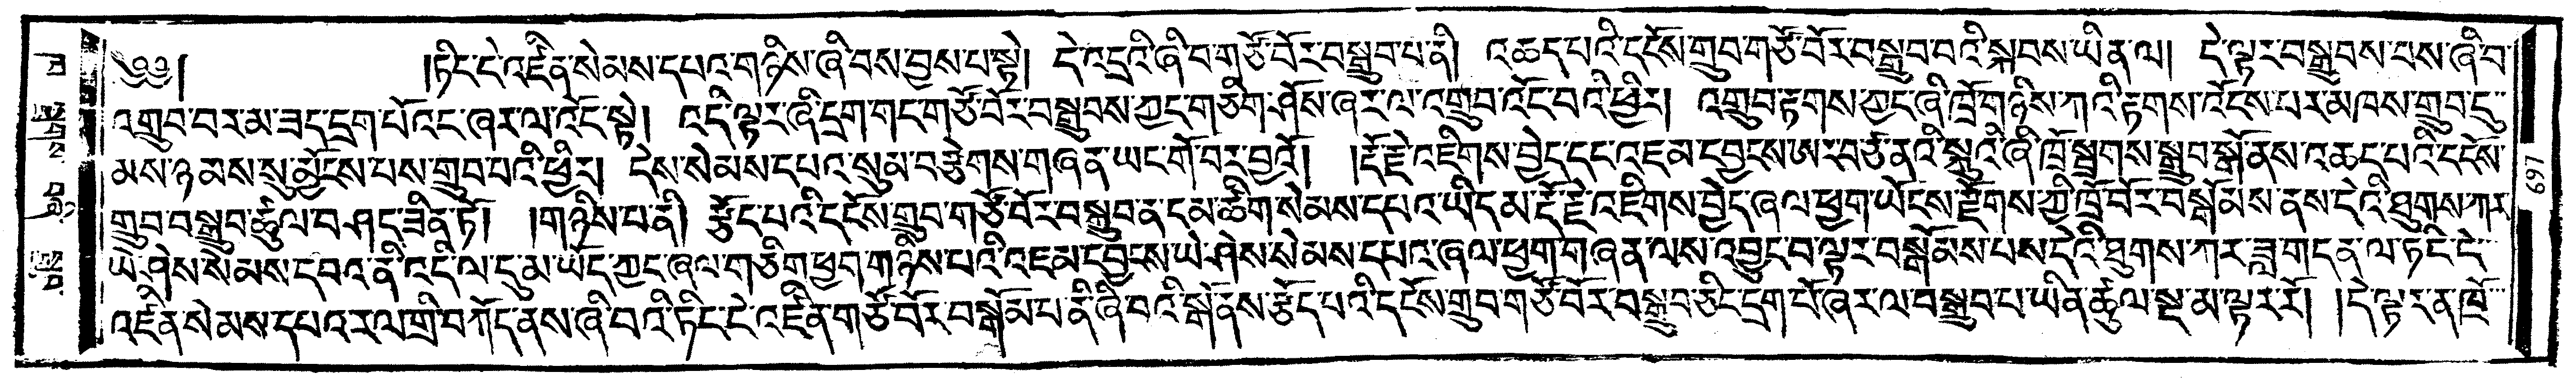༄༅། །ཏིང་ངེ་འཛིན་སེམས་དཔའ་གཉིས་ཞི་བས་བྱས་པ་སྟེ། དེ་འདྲའི་ཞི་བ་གཙོ་བོར་བསྒྲུབ་པ་ནི། འཆད་པའི་དངོས་གྲུབ་གཙོ་བོར་བསྒྲུབ་པའི་སྐབས་ཡིན་ལ། དེ་ལྟར་བསྒྲུབས་པས་ཞི་བ་
འགྲུབ་བར་མ་ཟད་དྲག་པོའང་ཞར་ལ་འོང་སྟེ། འདི་ལྟར་ཞི་དྲག་གང་གཙོ་བོར་བསྒྲུབས་ཀྱང་གཅིག་ཤོས་ཞར་ལ་འགྲུབ་འོང་བའི་ཕྱིར། འགྲུབ་རྟགས་ཀྱང་ཞི་ཁྲོ་གཉིས་ཀའི་རྟགས་འོངས་པར་མཁས་གྲུབ་དུ་
མས་ཉམས་སུ་མྱོངས་པས་གྲུབ་པའི་ཕྱིར། དེས་སེམས་དཔའ་སུམ་བརྩེགས་གཞན་ཡང་གོ་བར་བྱའོ། །རྡོ་རྗེ་འཇིགས་བྱེད་དང་འཇམ་དབྱངས་ཨ་ར་པ་ཙ་ནའི་སྐུའི་ཞི་ཁྲོ་སྦྲགས་སྒྲུབ་སྒོ་ནས་འཆད་པའི་དངོས་
གྲུབ་བསྒྲུབ་ཚུལ་བཤད་ཟིན་ཏོ། །གཉིས་པ་ནི། རྩོད་པའི་དངོས་གྲུབ་གཙོ་བོར་བསྒྲུབ་ན་དམ་ཚིག་སེམས་དཔའ་ཡི་དམ་རྡོ་རྗེ་འཇིགས་བྱེད་ཞལ་ཕྱག་ཡོངས་རྫོགས་ཀྱི་ཁྲོ་བོར་བསྒོམས་ནས་དེའི་ཐུགས་ཀར་
ཡེ་ཤེས་སེམས་དཔའ་ནི་འདི་ལ་དུ་མ་ཡོད་ཀྱང་ཞལ་གཅིག་ཕྱག་གཉིས་པའི་འཇམ་དབྱངས་ཡེ་ཤེས་སེམས་དཔའ་ཞལ་ཕྱག་གཞན་ལས་འབྱུང་བ་ལྟར་བསྒོམས་པས་དེའི་ཐུགས་ཀར་ཟླ་གདན་ལ་ཏིང་ངེ་
འཛིན་སེམས་དཔའ་རལ་གྲི་བཀོད་ནས་ཞི་བའི་ཏིང་ངེ་འཛིན་གཙོ་བོར་བསྒོམ་པ་ནི་ཞི་བའི་སྒོ་ནས་རྩོད་པའི་དངོས་གྲུབ་གཙོ་བོར་བསྒྲུབ་ཅིང་དྲག་པོ་ཞར་ལ་བསྒྲུབ་པ་ཡིན་ཚུལ་སྔ་མ་ལྟར་རོ། །དེ་ལྟར་ན་ཁྲོ་